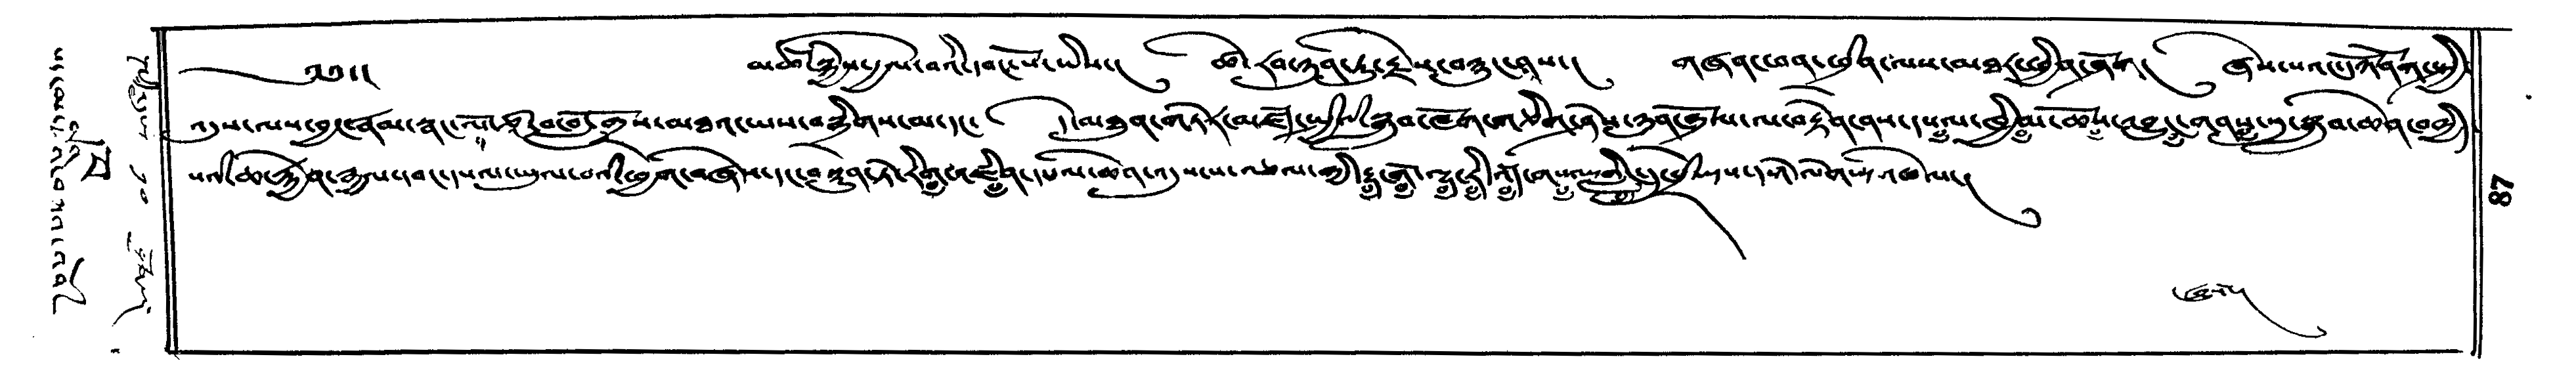མཚོ་སྐྱེས་རྒྱལ་བའི་དབང་པོ་ཡིས། །ཚེ་རབས་ཀུན་ཏུ་རྗེས་བཟུང་ནས།། གཞན་ཕན་ཕྲིན་ལས་མཐར་ཕྱིན་ཤོག ཅེས་པའང་དཀོན་མཆོག་སྤྱི་
འདུས་ལས་བྱང་རྣམ་སྣང་ལོ་རྩ་བ་བློ་གྲོས་མཐའ་ཡས་ཀྱིས་བསྒྲིགས་མ་དང་། དེ་མཐུན་གཏེར་མཛོད་སྤྱིའི་སྒྲུབ་ཁོག་གཅིག་ཤེས་ཀུན་གྲོལ་ལ་བརྟེན་ནས་དཔལ་ཁྱིམ་ཆོས་འབྱུང་གནས་སུ་སྒྲུབ་ཆེན་བགྱིད་
པའི་ཆ་རྐྱེན་རྒྱལ་དབང་དཔལ་ཡུལ་བའི་ཕྱག་བཞེས་དང་བསྟུན་ཏེ་རིག་འཛིན་དཔལ་ཆེན་འདུས་པ་རྩལ་གྱི་སརྡ་གོ་ལྷ་རི་འོད་གསལ་གླིང་དུ་བྲིས་པ་དགེ་ལེགས་འཕེལ། 
ཞུས་སོ།། །། ༼༨༨ ༨༩༽